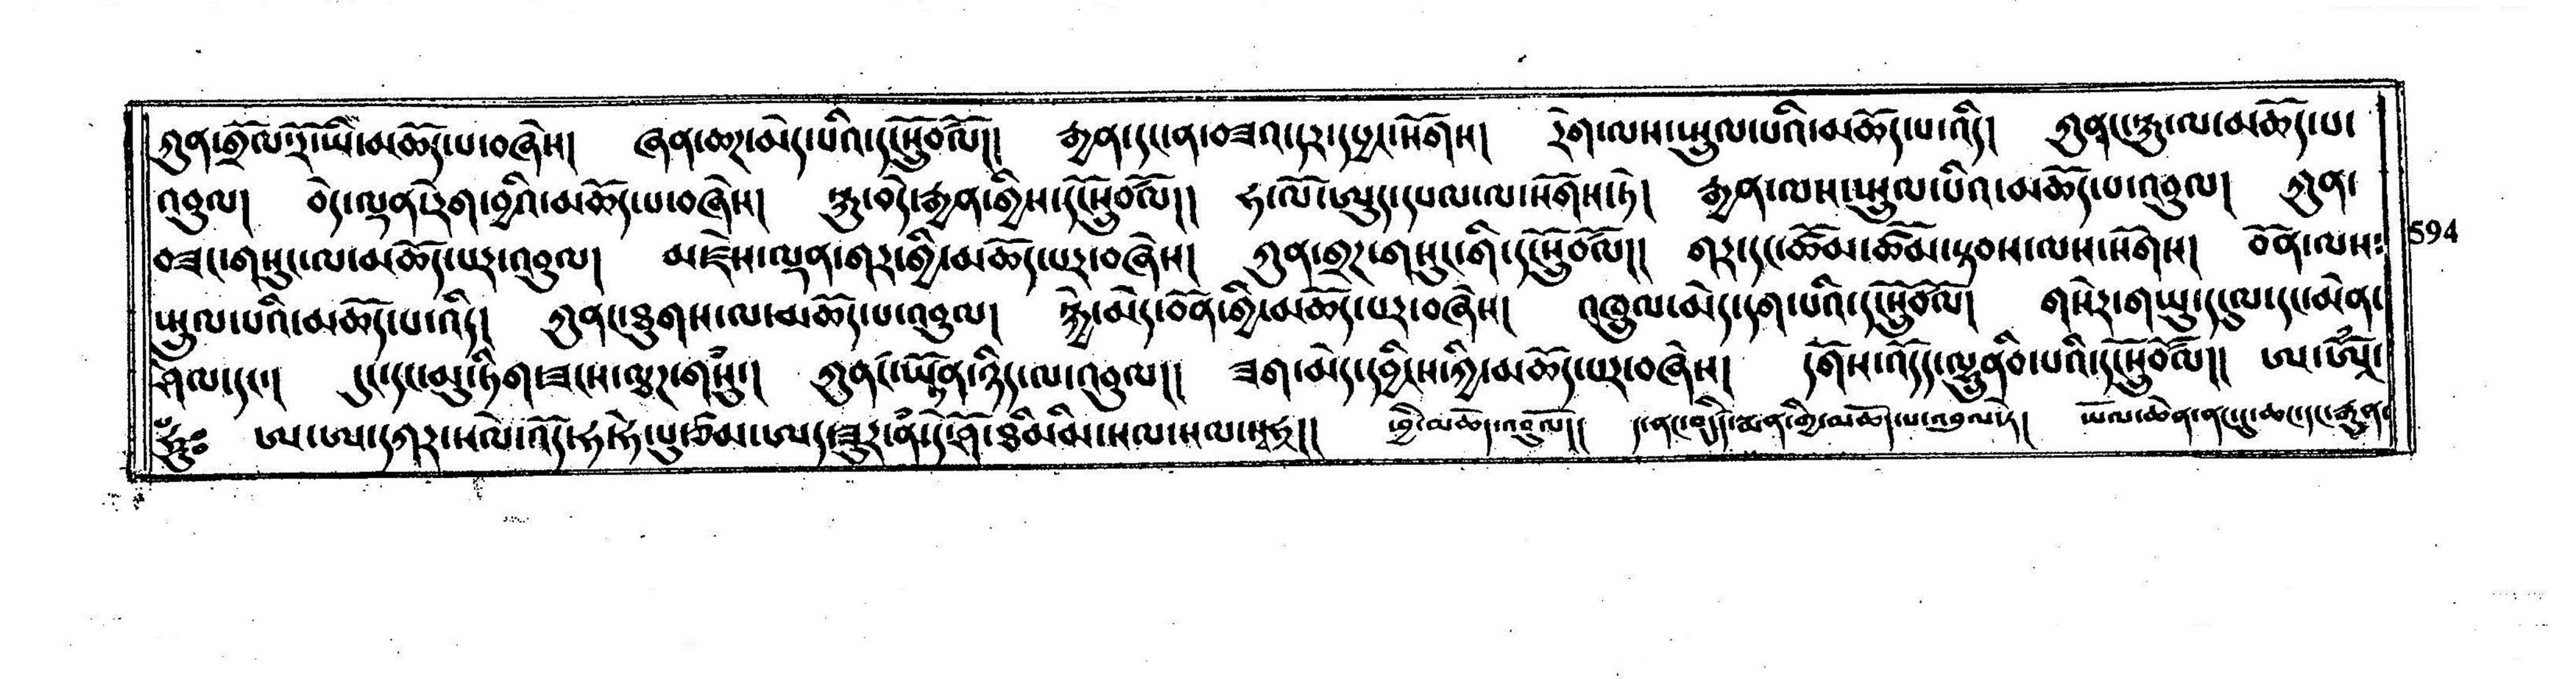ཀུན་གྲོལ་རོ་ཡི་མཆོད་པ་བཞེས། ཞེན་ཆགས་མེད་པའི་དངོས་གྲུབ་སྩོལ།། རྒྱན་དང་ན་བཟའ་དར་དཔྱང་སོགས། རེག་ལས་སྤྲུལ་པའི་མཆོད་པ་འདི། ཀུན་བཟང་སྐུ་ལ་མཆོད་པ་
འབུལ། བདེ་ལྡན་རེག་བྱའི་མཆོད་པ་བཞེས། སྐུ་བདེ་རྒྱན་གྱིས་དངོས་གྲུབ་སྩོལ།། ཧ་ལོ་ཨུད་དཔལ་ལ་སོགས་ཏེ། རྒྱན་ལས་སྤྲུལ་པའི་མཆོད་པ་འབུལ། ཀུན་
བཟང་གསུང་ལ་མཆོད་པར་འབུལ། མཛེས་ལྡན་གར་གྱི་མཆོད་པར་བཞེས། ཀུན་གྲགས་གསུང་གི་དངོས་གྲུབ་སྩོལ།། གར་དང་ཚོམ་ཚོམ་སྟབས་ལས་སོགས། བོན་ལས་
སྤྲུལ་པའི་མཆོད་པ་འདི། ཀུན་བཟང་ཐུགས་ལ་མཆོད་པ་འབུལ། སྐྱེ་མེད་བོན་གྱི་མཆོད་པར་བཞེས། འཁྲུལ་མེད་དག་པའི་དངོས་གྲུབ་སྩོལ། གསེར་གཡུ་དངུལ་དང་མེན་
ཤེལ་དང་། དུང་དང་མུ་ཏིག་ཟངས་ལྕགས་གསུམ། ཀུན་བཟང་ཡོན་ཏན་ཉིད་ལ་འབུལ།། ཟག་མེད་དབྱིངས་ཀྱི་མཆོད་པར་བཞེས། དགོས་འདོད་ལྷུན་གྱི་གྲུབ་པའི་དངོས་གྲུབ་སྩོལ།། ཨ་ཨཱོཾ་
ཧཱུཾཿ ཨ་ཨ་དཀར་སལེ་འོད་ཧ་ཧེ་པུ་ཙམ་ཨད་ཟུར་ནམ་དོ་ཤོ་ཐིམ་ཐིམ་སལ་སལ་སྭཧཱ།། ཕྱི་མཆོད་འབུལ་ལོ།། ད་ནང་བདུད་རྩི་སྨན་གྱི་མཆོད་པ་འབུལ་ཏེ། ཡོལ་ཆེན་ནང་དུ་ཆང་དང་རྒུན་